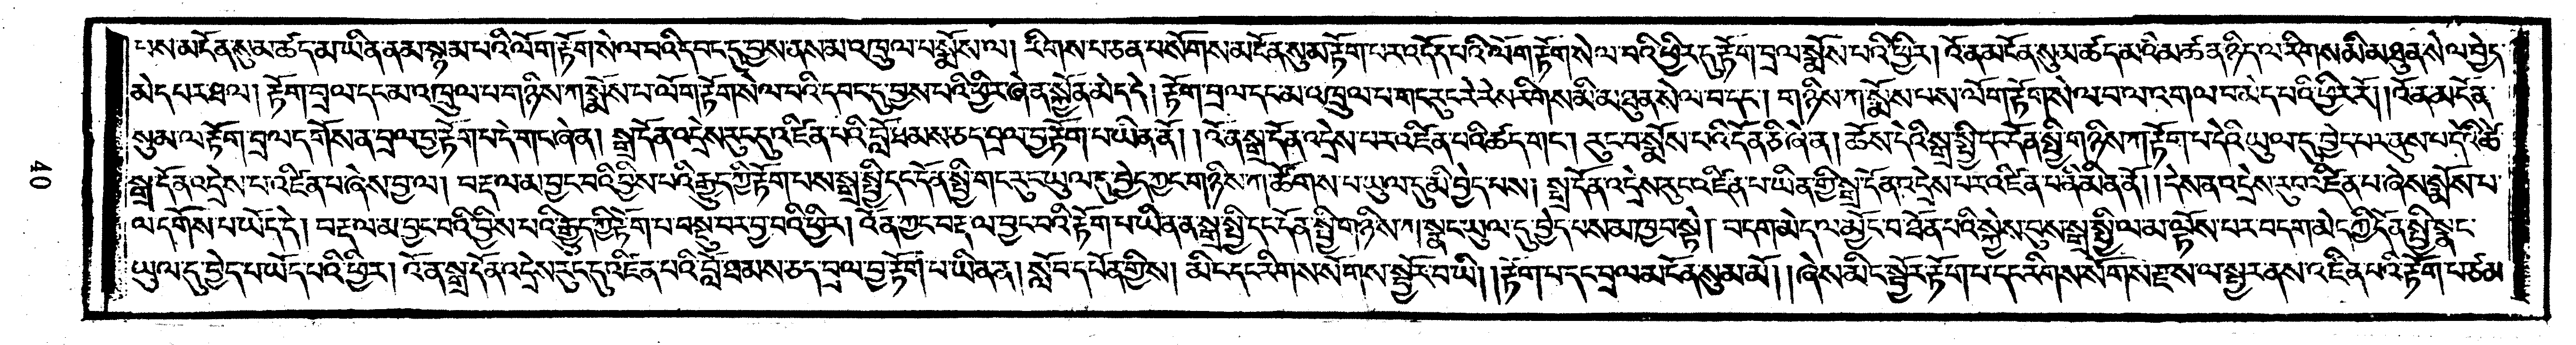པས་མངོན་སུམ་ཚད་མ་ཡིན་ནམ་སྙམ་པའི་ལོག་རྟོག་སེལ་བའི་དབང་དུ་བྱས་ནས་མ་འཁྲུལ་པ་སྨོས་ལ། རིགས་པ་ཅན་པ་སོགས་མངོན་སུམ་རྟོག་པར་འདོད་པའི་ལོག་རྟོག་སེལ་བའི་ཕྱིར་དུ་རྟོག་བྲལ་སྨོས་པའི་ཕྱིར། འོ་ན་མངོན་སུམ་ཚད་མའི་མཚན་ཉིད་ལ་རིགས་མི་མཐུན་སེལ་བྱེད་
མེད་པར་ཐལ། རྟོག་བྲལ་དང་མ་འཁྲུལ་བ་གཉིས་ཀ་སྨོས་པ་ལོག་རྟོག་སེལ་བའི་དབང་དུ་བྱས་པའི་ཕྱིར་ཞེ་ན་སྐྱོན་མེད་དེ། རྟོག་བྲལ་དང་མ་འཁྲུལ་བ་གང་རུང་རེ་རེས་རིགས་མི་མཐུན་སེལ་བ་དང་། གཉིས་ཀ་སྨོས་པས་ལོག་རྟོག་སེལ་བ་ལ་འགལ་བ་མེད་པའི་ཕྱིར་རོ། །འོ་ན་མངོན་
སུམ་ལ་རྟོག་བྲལ་དགོས་ན་བྲལ་བྱ་རྟོག་པ་དེ་གང་ཞེ་ན། སྒྲ་དོན་འདྲེས་རུང་དུ་འཛིན་པའི་བློ་ཐམས་ཅད་བྲལ་བྱ་རྟོག་པ་ཡིན་ནོ། །འོ་ན་སྒྲ་དོན་འདྲེས་པར་འཛིན་པའི་ཚད་གང་། རུང་བ་སྨོས་པའི་དོན་ཅི་ཞེ་ན། ཆོས་དེའི་སྒྲ་སྤྱི་དང་དོན་སྤྱི་གཉིས་ཀ་རྟོག་པ་དེའི་ཡུལ་དུ་བྱེད་པར་ནུས་པ་དེའི་ཚེ་
སྒྲ་དོན་འདྲེས་པ་འཛིན་པ་ཞེས་བྱ་ལ། བརྡ་ལ་མ་བྱང་བའི་བྱིས་པའི་རྒྱུད་ཀྱི་རྟོག་པས་སྒྲ་སྤྱི་དང་དོན་སྤྱི་གང་རུང་ཡུལ་དུ་བྱེད་ཀྱང་གཉིས་ཀ་ཚོགས་པ་ཡུལ་དུ་མི་བྱེད་པས། སྒྲ་དོན་འདྲེས་རུང་འཛིན་པ་ཡིན་གྱི་སྒྲ་དོན་འདྲེས་པར་འཛིན་པ་ནི་མིན་ནོ། །དེས་ན་འདྲེས་རུང་འཛིན་པ་ཞེས་སྨོས་པ་
ལ་དགོས་པ་ཡོད་དེ། བརྡ་ལ་མ་བྱང་བའི་བྱིས་པའི་རྒྱུད་ཀྱི་རྟོག་པ་བསྡུ་བར་བྱ་བའི་ཕྱིར། འོན་ཀྱང་བརྡ་ལ་བྱང་བའི་རྟོག་པ་ཡིན་ན་སྒྲ་སྤྱི་དང་དོན་སྤྱི་གཉིས་ཀ་སྣང་ཡུལ་དུ་བྱེད་པས་མ་ཁྱབ་སྟེ། བདག་མེད་ལ་མྱོང་བ་ཐོན་བའི་སྐྱེས་བུས་སྒྲ་སྤྱི་ལ་མ་ལྟོས་པར་བདག་མེད་ཀྱི་དོན་སྤྱི་སྣང་
ཡུལ་དུ་བྱེད་པ་ཡོད་པའི་ཕྱིར། འོ་ན་སྒྲ་དོན་འདྲེས་རུང་དུ་འཛིན་པའི་བློ་ཐམས་ཅད་བྲལ་བྱ་རྟོག་པ་ཡིན་ན། སློབ་དཔོན་གྱིས། མིང་དང་རིགས་སོགས་སྦྱོར་བ་ཡི། །རྟོག་པ་དང་བྲལ་མངོན་སུམ་མོ། །ཞེས་མིང་སྦྱོར་རྟོག་པ་དང་རིགས་སོགས་རྫས་ལ་སྦྱར་ནས་འཛིན་པའི་རྟོག་པ་ཙམ་